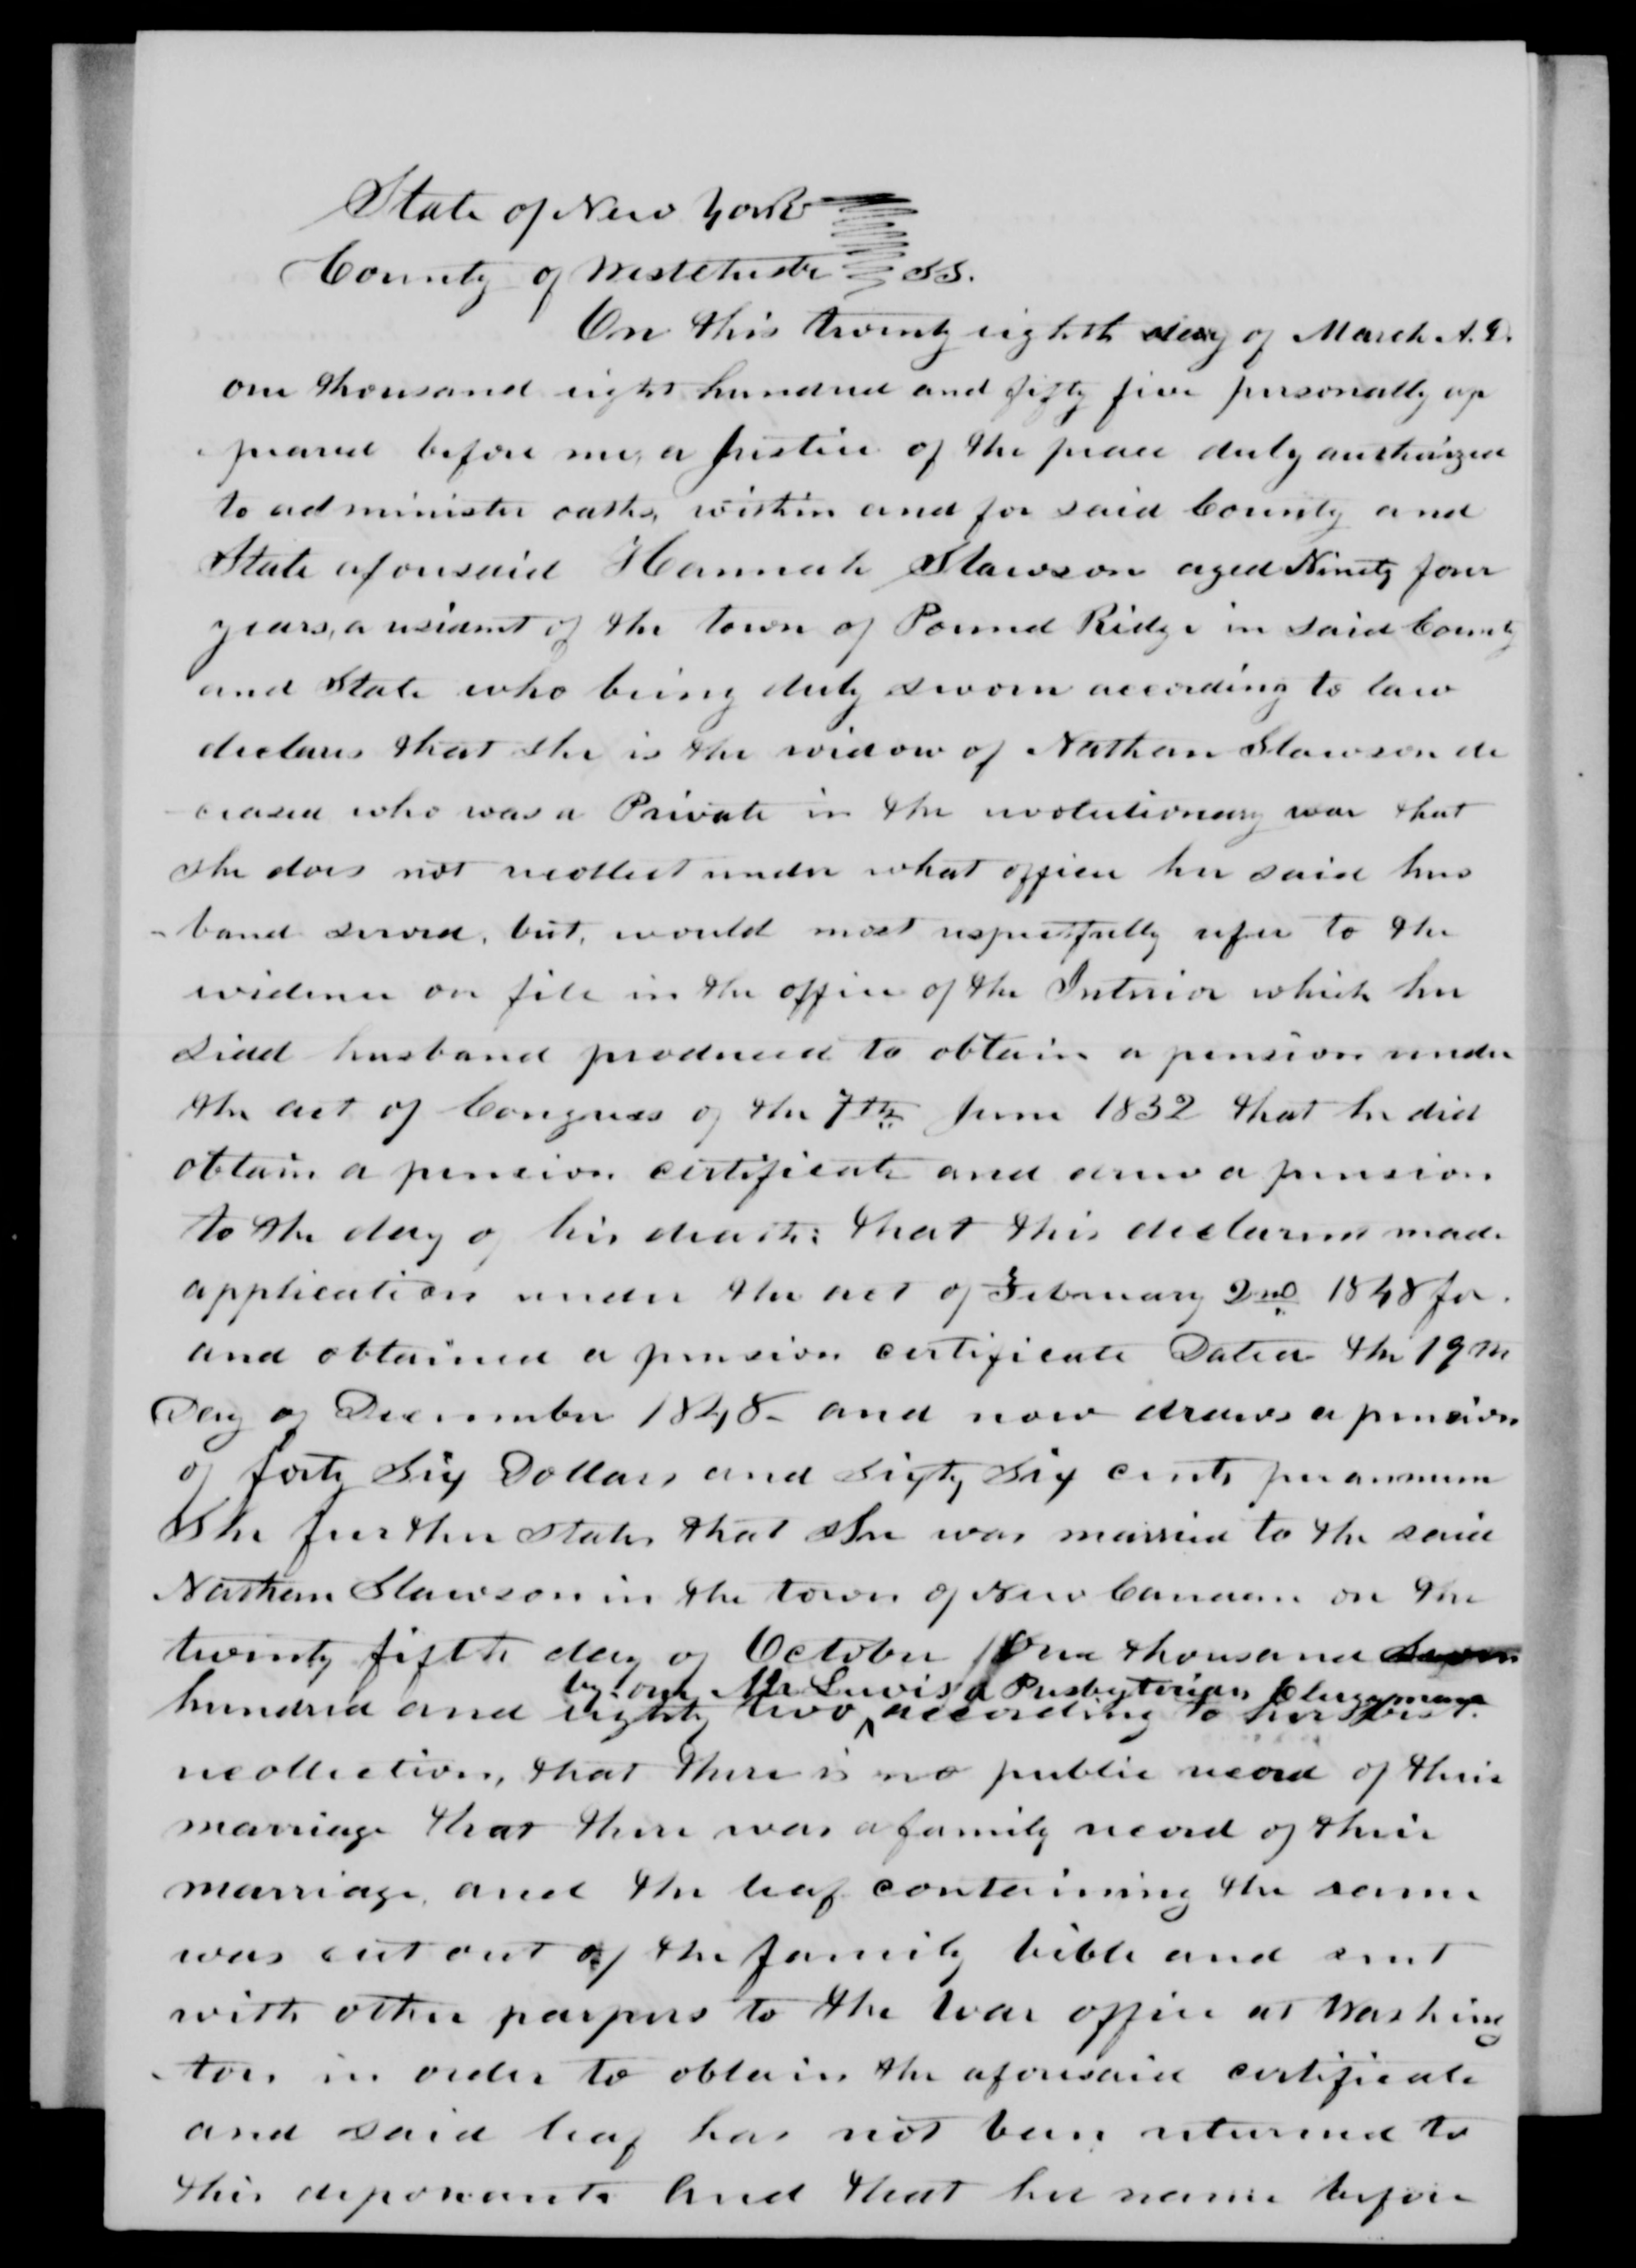State of New York 
County of Westchester } SS. On this twenty eighth day of March A.D. one thousand eight hundred and fifty five personally appeared before me a Justice of the peace duly authorized to administer oaths within and for said County and State aforesaid Hannah Slawson aged Ninety four years, a resident of the town of Pound Ridge in said County and State who being duly sworn according to law declares that she is the widow of Nathan Slawson deceased who was a Private in the revolutionary war - that she does not recollect under what officer her said husband served, but would most respectfully refer to the evidence on file in the office of the Interior which her Said husband produced to obtain a pension under the act of Congress of the 7th June 1832- that he did obtain a pension certificate and was a pensioner to the day of his death;  that this declarant made application under the act of February 2nd 1848 for and obtained a pension certificate dated the 19th day of December 1848, and now draws a pension of forty Six Dollars and sixty six cents per annum - she further states that she was married to the said Nathan Slawson in the town of New Canaan on the twenty fifth day of October One thousand seven hundred and eighty two by one Mr. Lewis a Presbyterian Clergyman according to her recollection, that there is no public record of their marriage - that there was a family record of their Marriage and the leaf containing the same was cut out of the family bible sent with other papers to the war office at Washington in order to obtain the aforesaid certificate and said leaf has not been returned to this deponent and that her name before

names: Hannah Slawson; [BLANK] Lewis; Nathan Slawson; [BLANK] Washington; Nathan Slawson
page: 20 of 87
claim: widow's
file: W. 22,226, for Nathan Slawson, Connecticut